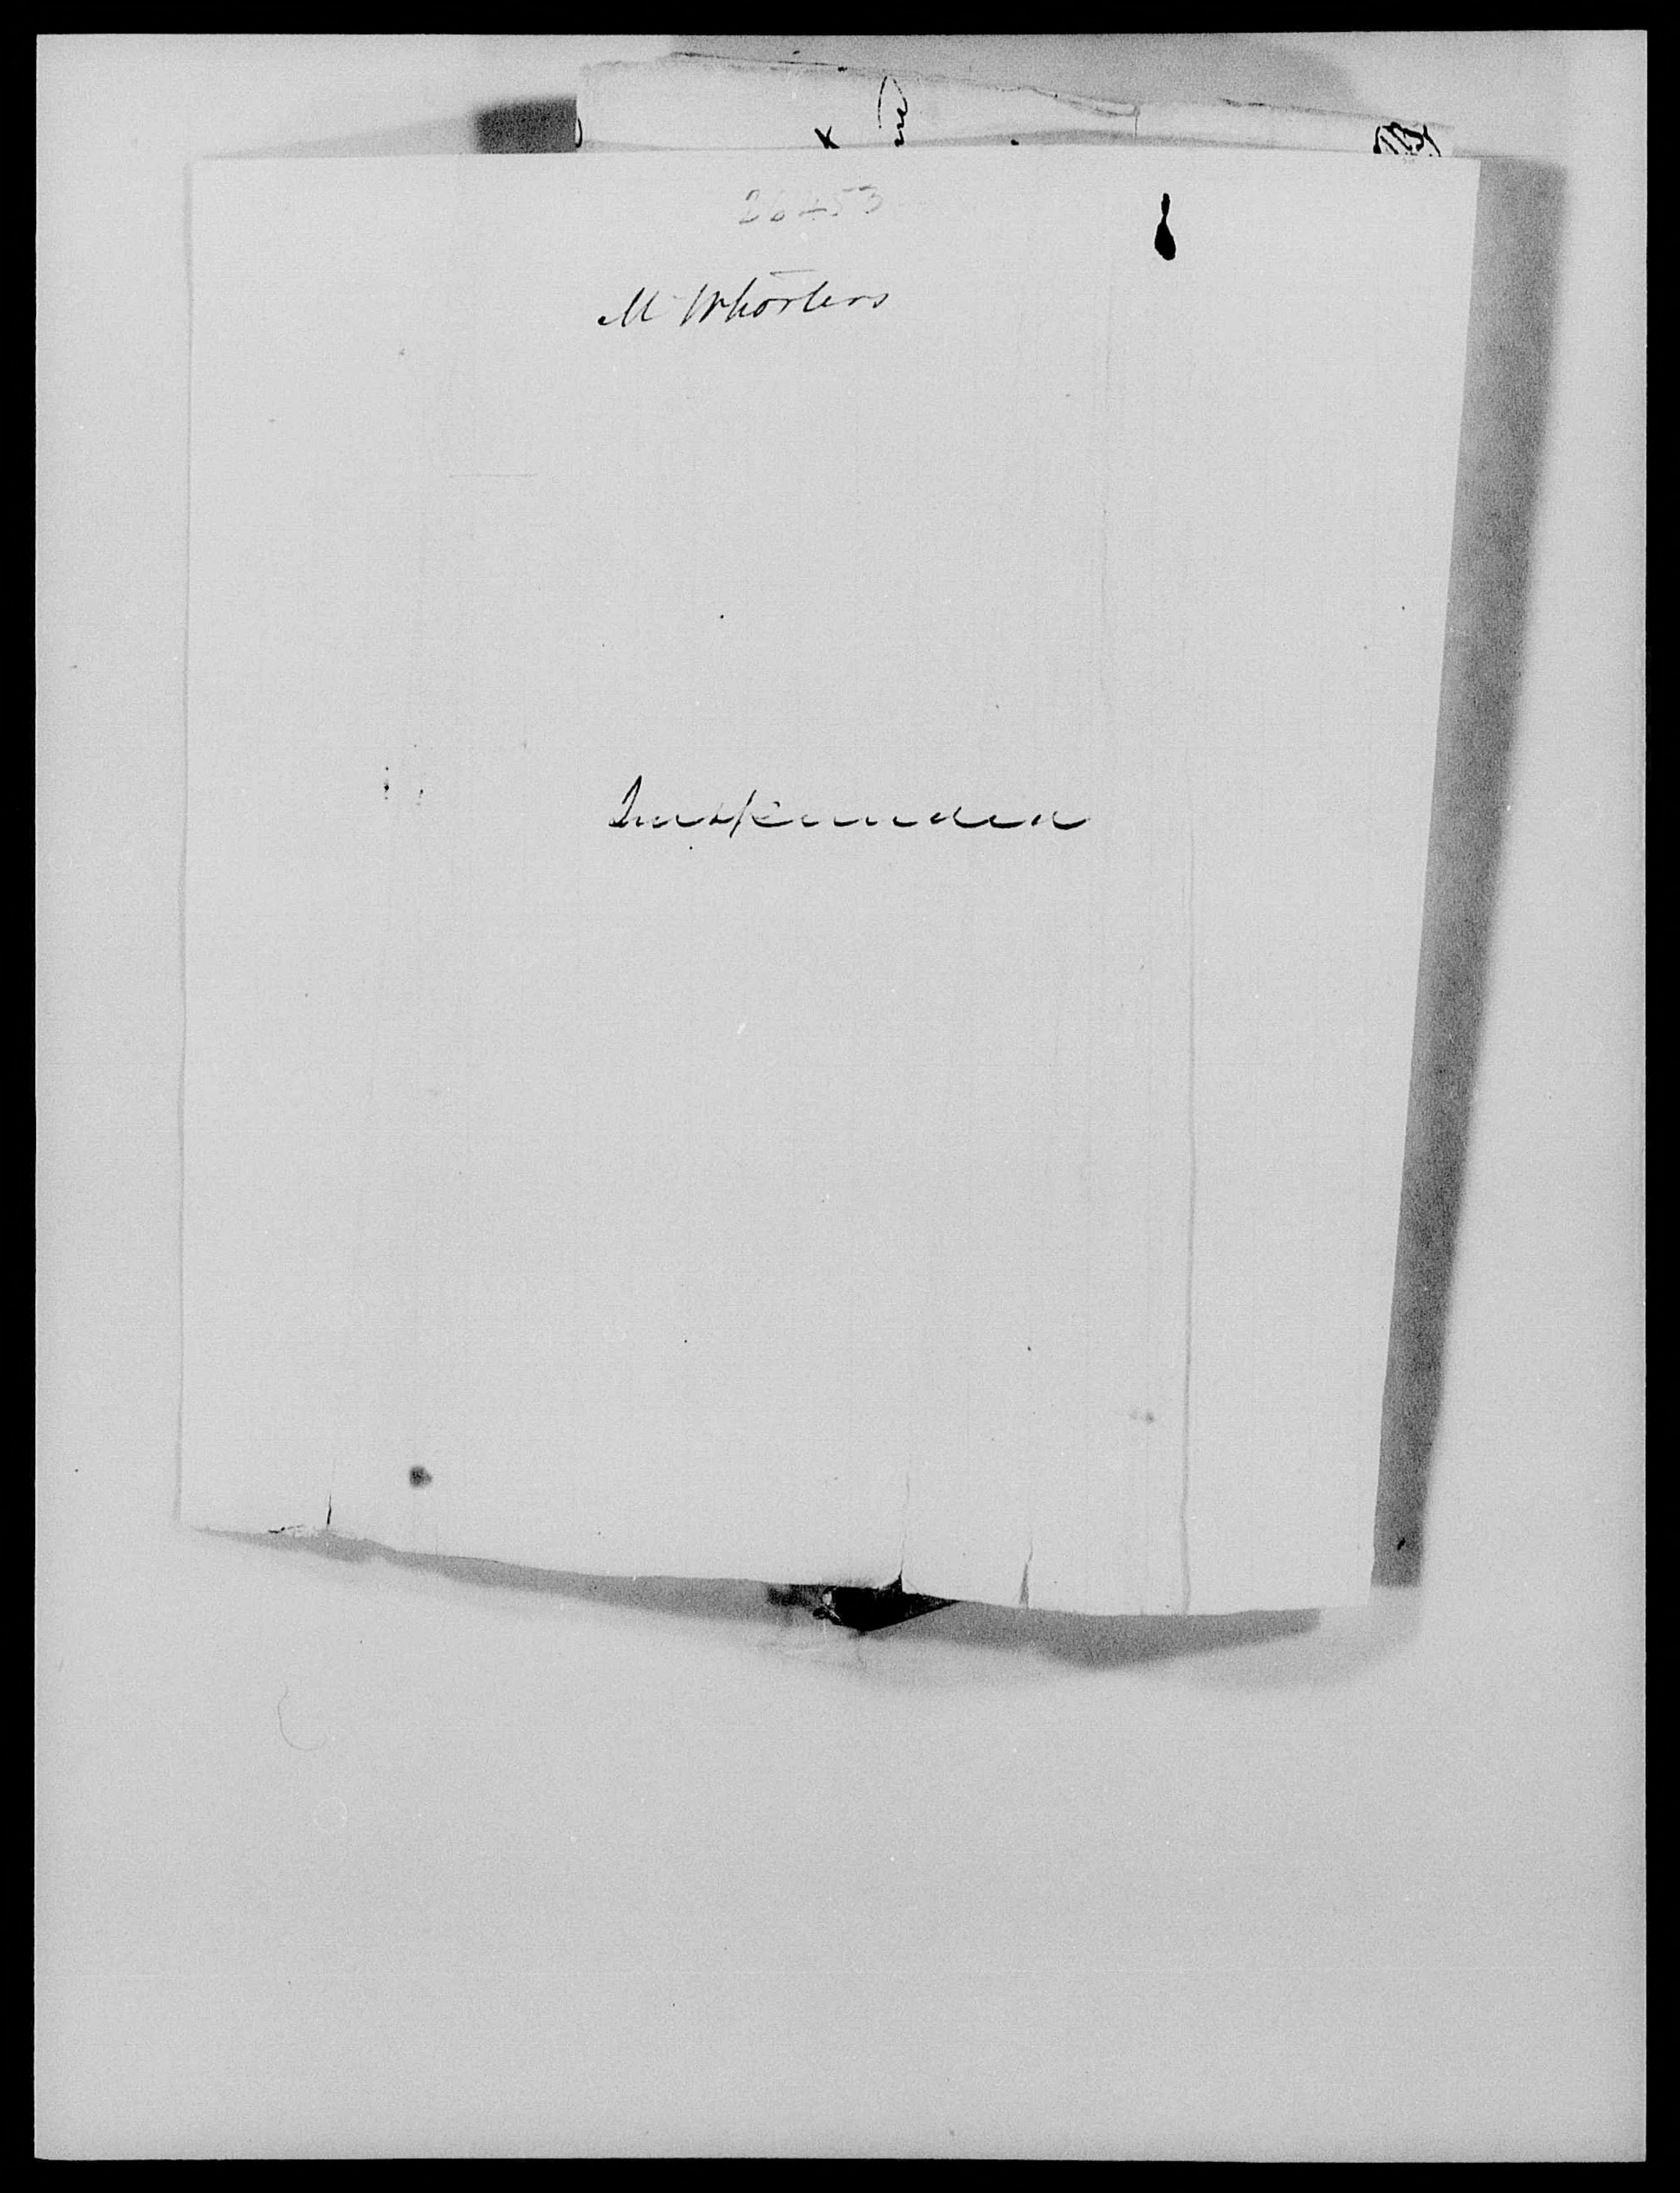26453 McWhorters ...( illegible ) Recorded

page: 9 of 35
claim: survivor's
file: S. 9,011, for George Mc Whorter, North Carolina